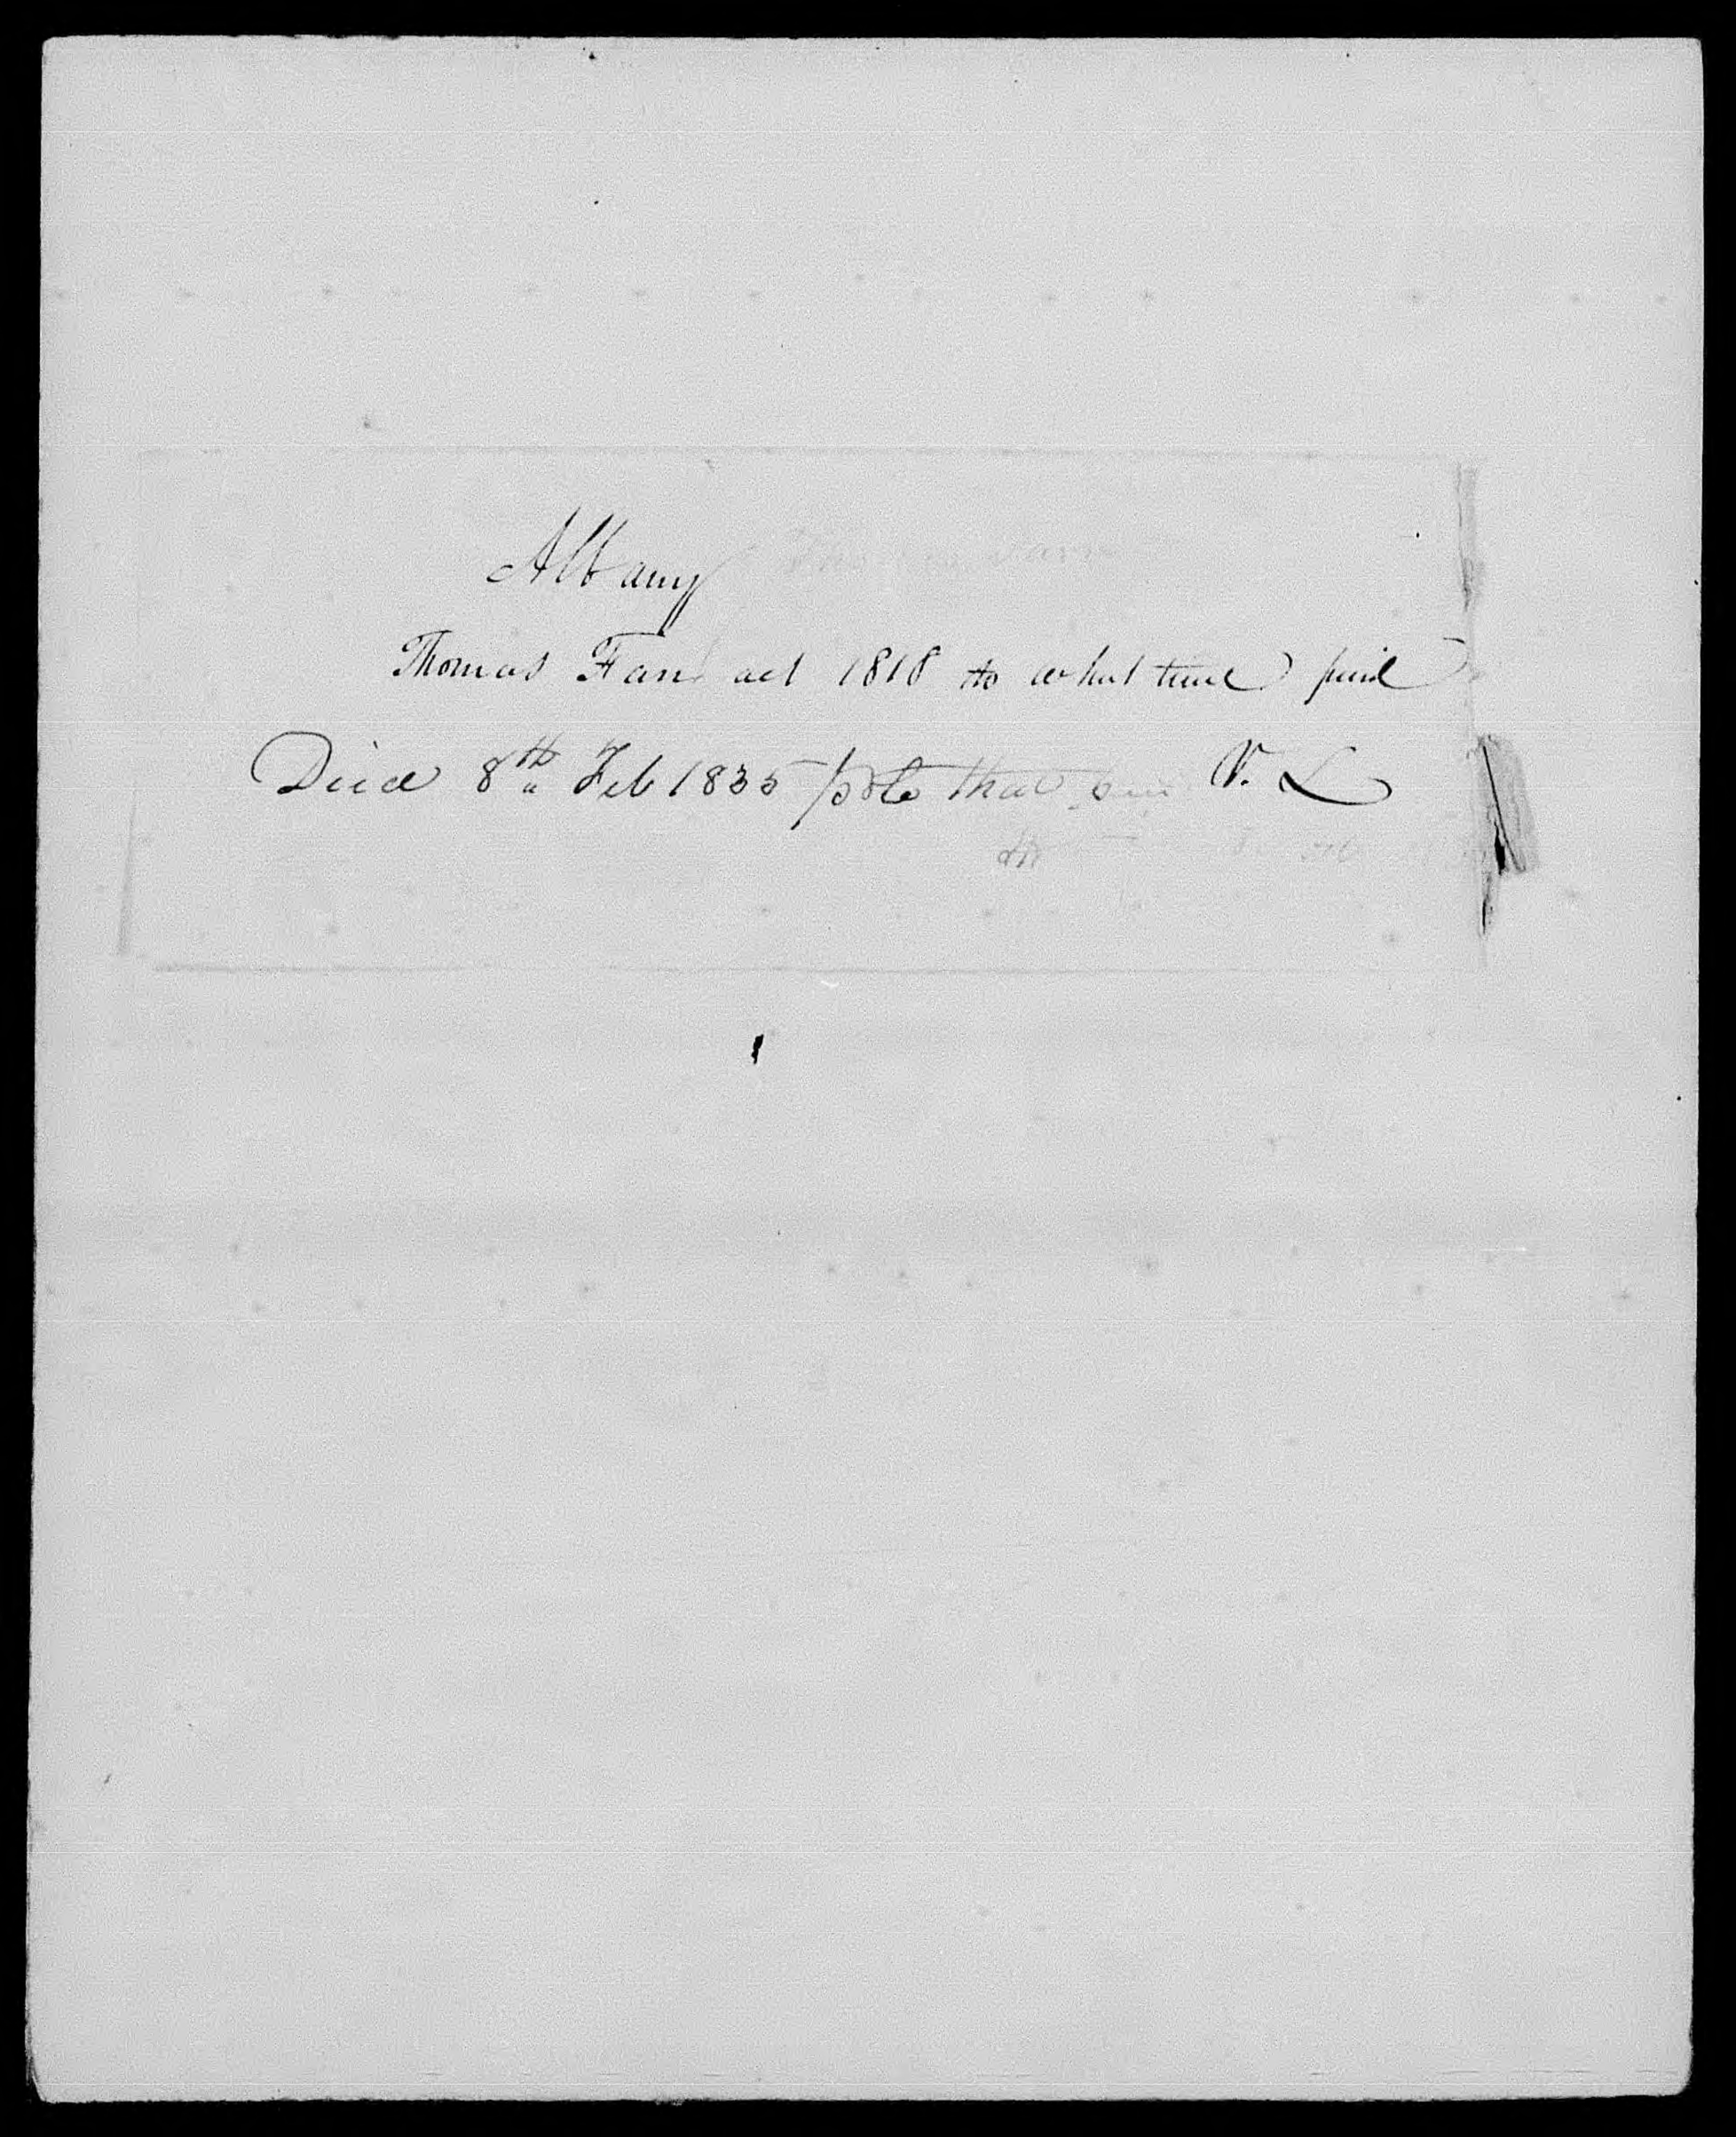Albany
Thomas Fan act 1818 to what time paid
Died 8th Feb 1835 [illegible] to that [illegible] V.L
[illegible]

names: Thomas Farr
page: 29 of 46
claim: widow's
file: W. 23022, Thomas Farr, N.H.